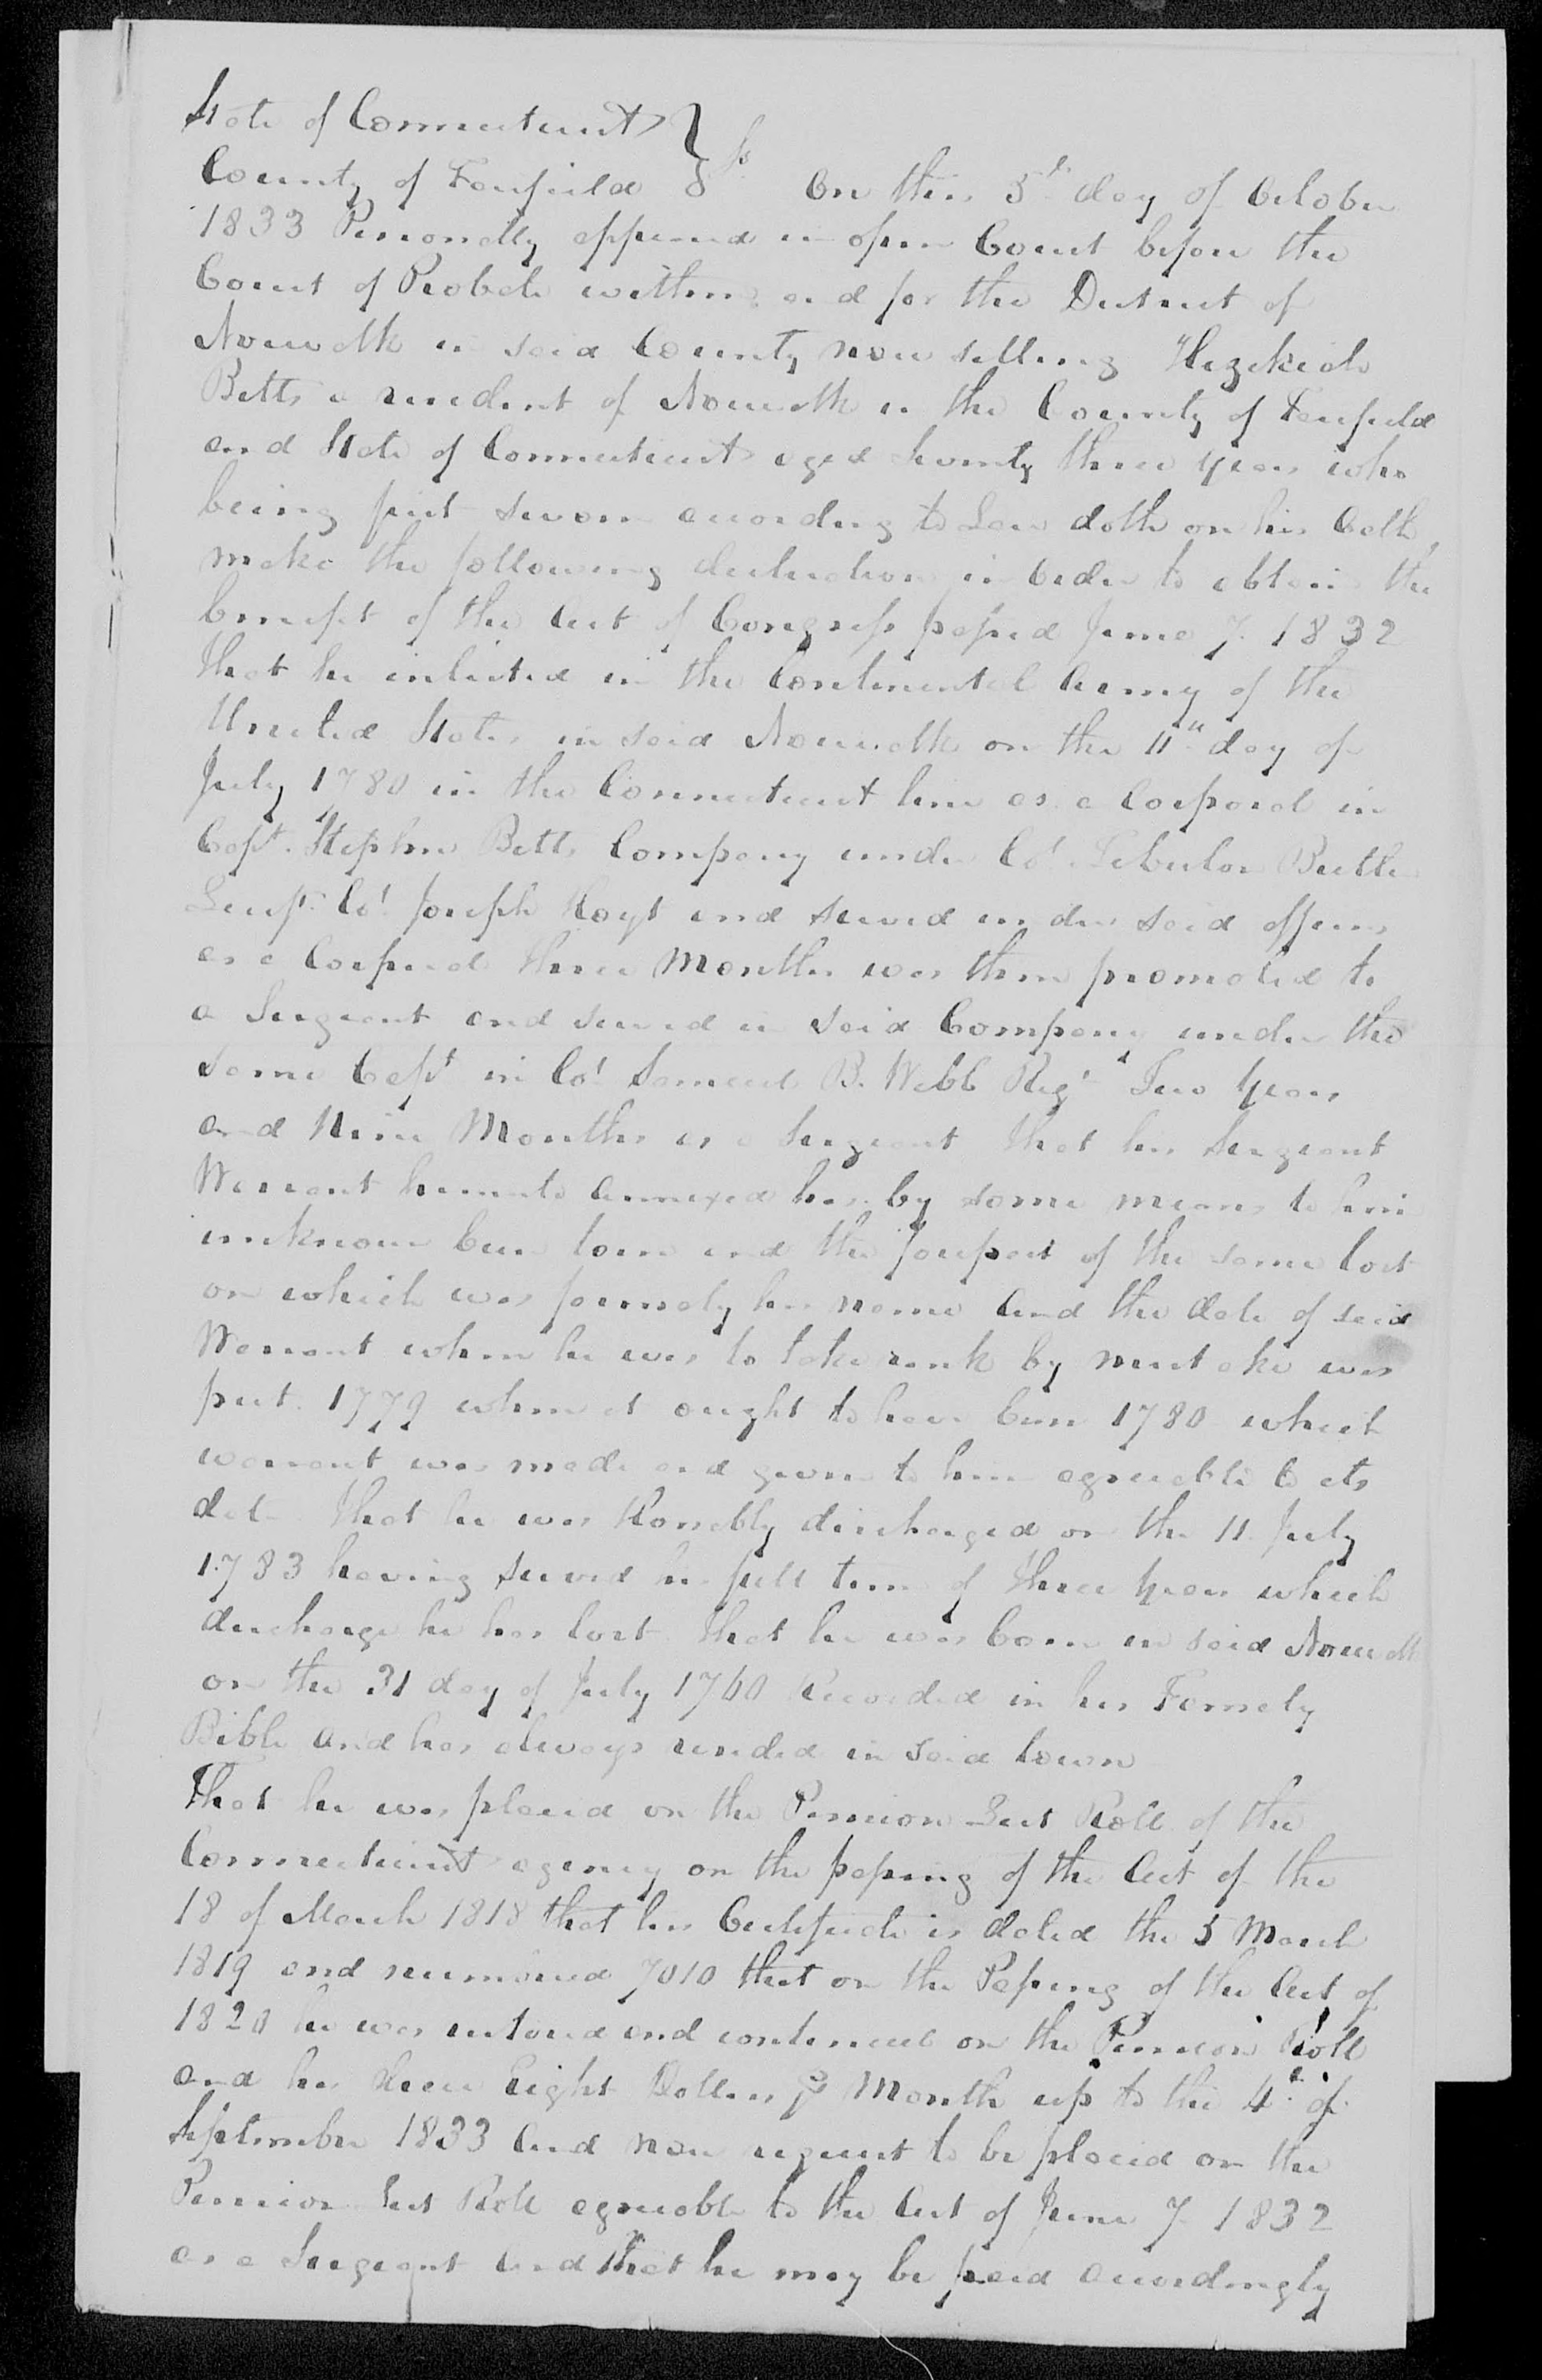State of Connecticut}
County of Fairfield} S.s

On this 5th day of October 1833 Personally appeared in open Court before the Court of Probate within and for the District of Norwalk in said County,  now selling Hezekiah Betts, a resident of Norwalk in the County of Fairfield and State of Connecticut aged Seventy three years who being first sworn according to Law doth on his Oath make the following declaration in order to obtain the benefit of the Act of Congress passed June 7, 1832 that his enlistment in the Continental Army of United States in said Norwalk on the 11th day of July 1780 in the Connecticut line as a Corporal in Capt. Stephen Betts Company under Col. Zebulon Butler, Lieut. Col. Joseph Hoyt and served on the said officers as a Corporal three months was then promoted to a Sergeant and served in said Company under the same Capt. in Col. Samuel B. Webb Reg. Two years and Nine months as a Sergeant that his Sergeant warrant hereunto dismayed has by some means to him unknown been [illegible] and the longest of the some lot on which was formerly his name and the date of said Warrant when he was to take rank by mistake was put. 1779 when it out to have been 1780 which warrant was made and  soon to have agreeable to its [illegible] That he was honorably discharged on the 11 July 1783 having served his full time of three years which discharged he has lost track he was born in said Norwalk on the 31 day of July 1760 Recorded in his family Bible and has always resided in said town that he was placed on the Pension Act Role of the Connecticut agency on the passing of the Act of 1820 he was issued and continued on the Pension Roll and has seen Eight Dollars a Month up to the 4th of September 183 and now requests be placed on the Pension sSet Role agreeable to the Act of June 7, 1832 as a Sergeant and that he may be paid accordingly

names: Joseph Hoyt, Zebulon Butler, Hezekiah Betts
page: 9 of 61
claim: widow's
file: W. 29,929, Hezekiah Betts, Conn.